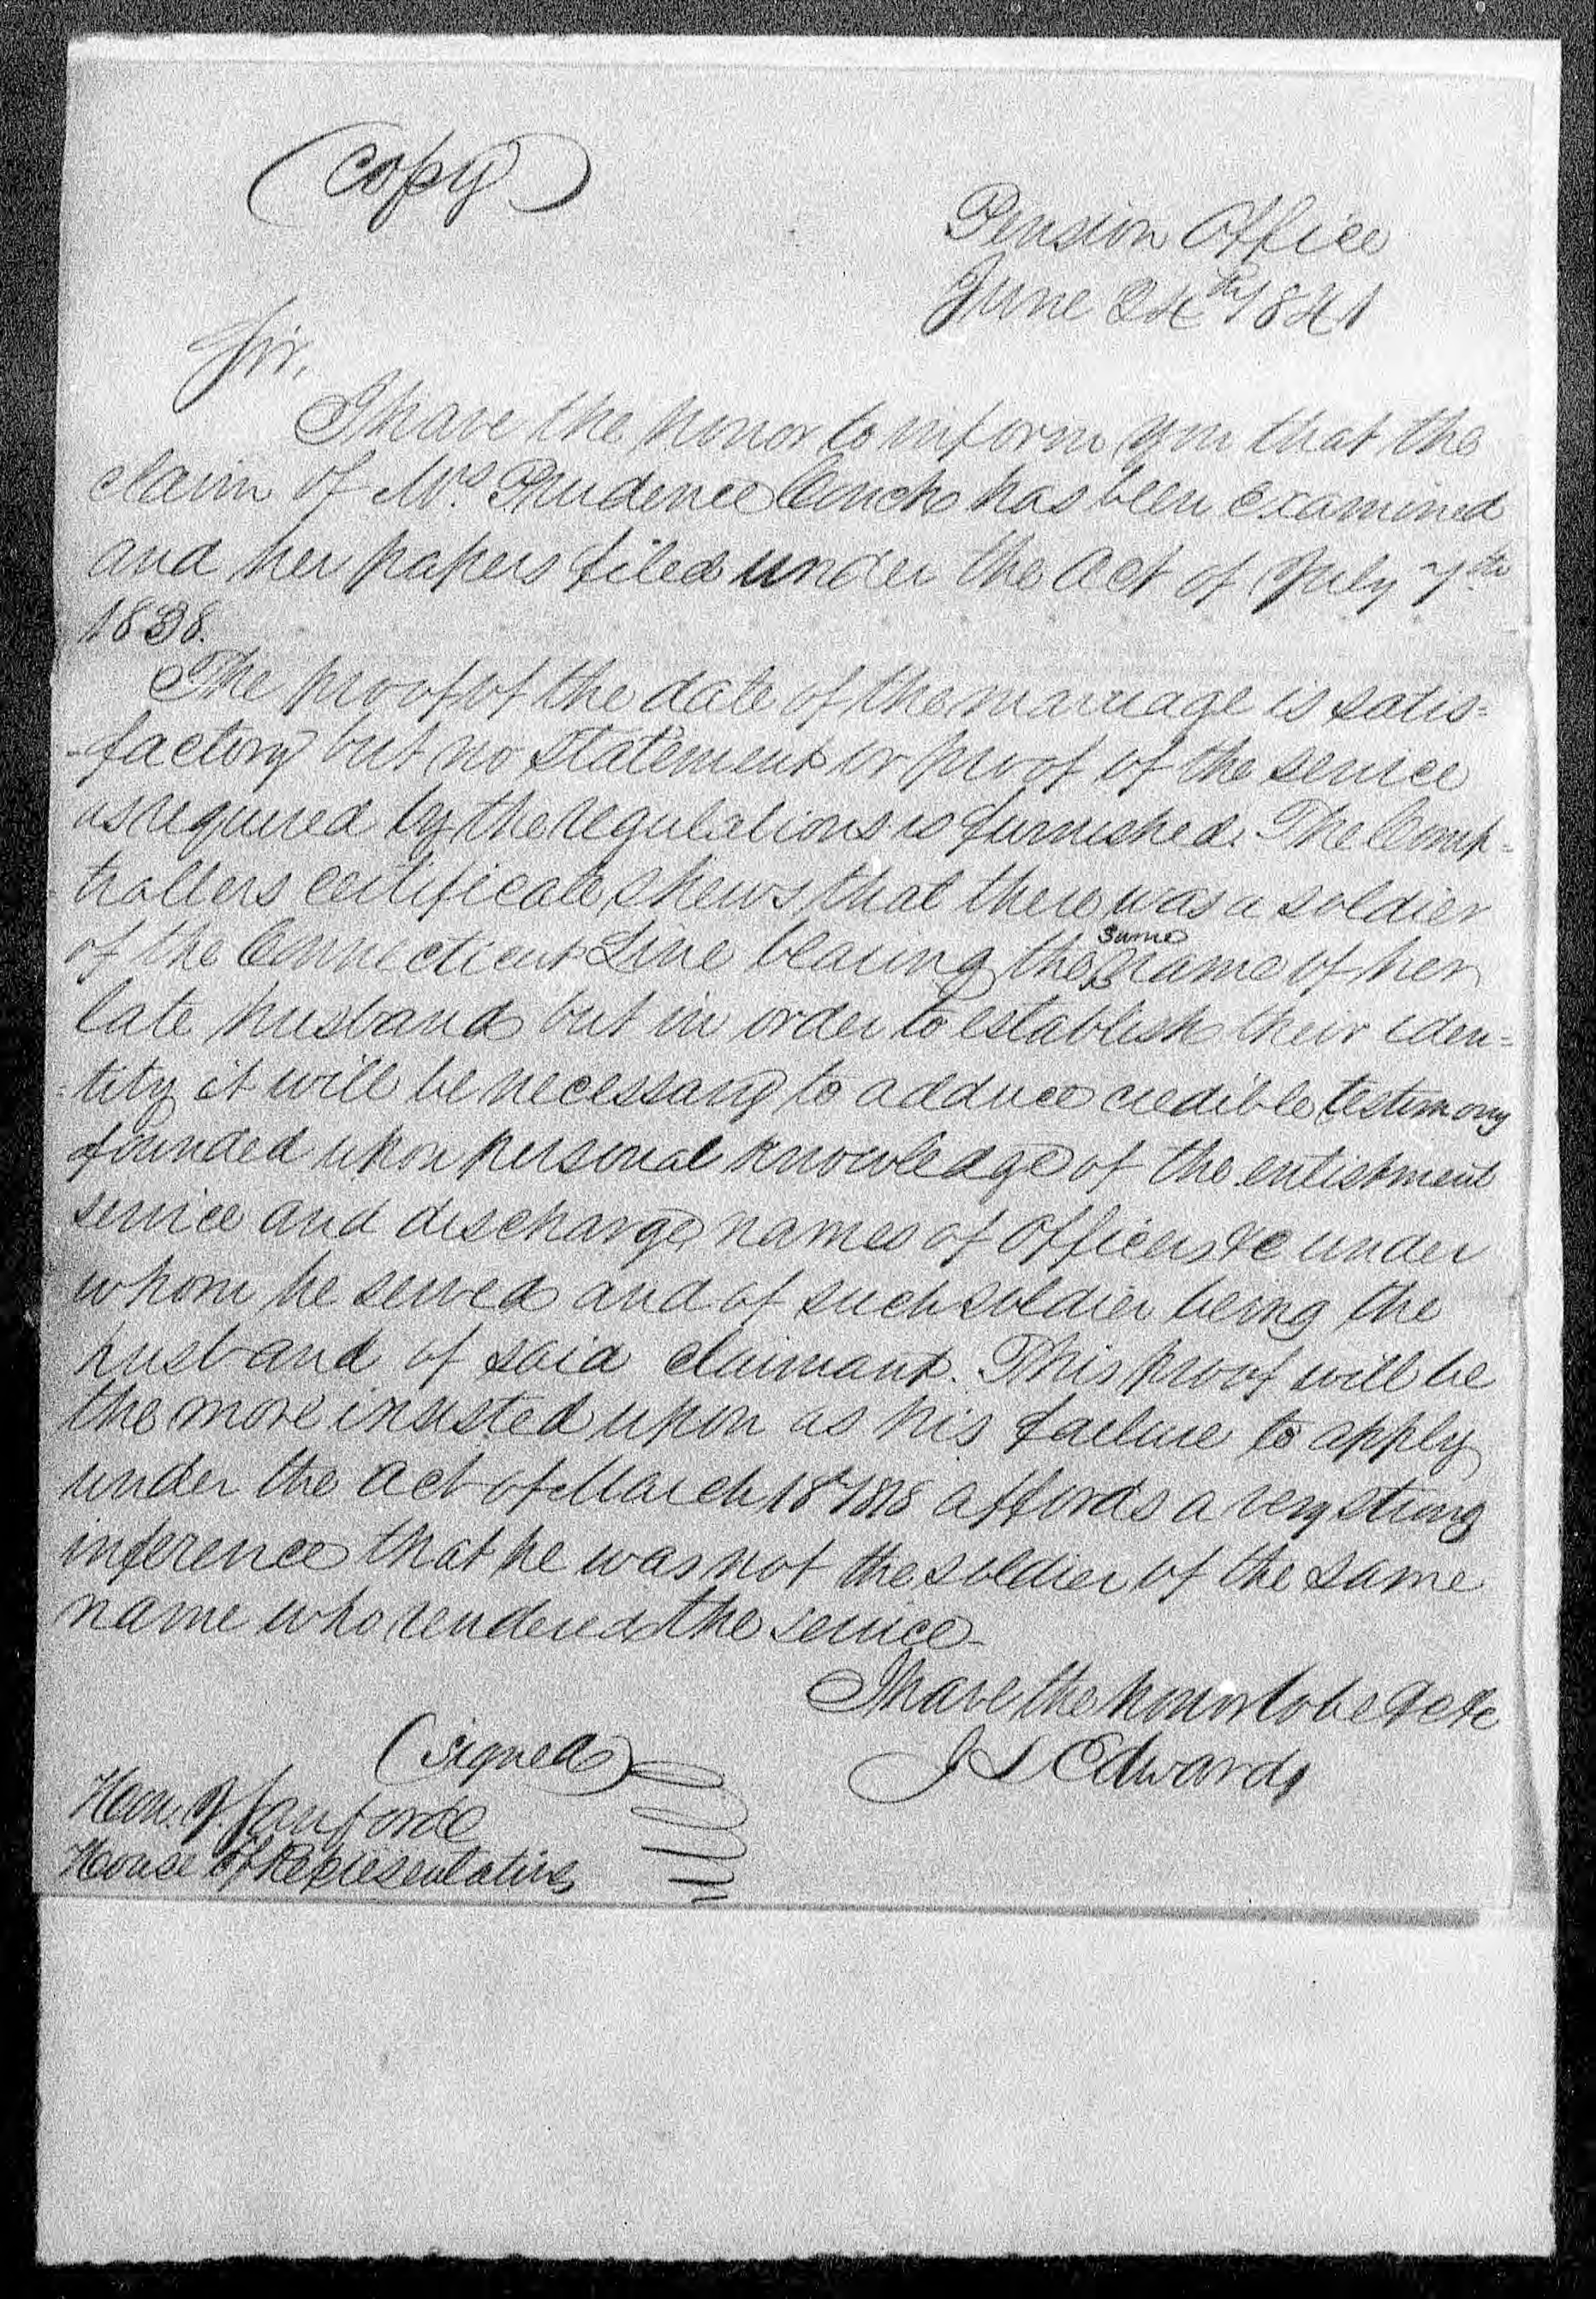(copy)
Pension Office
June 24th 1841
Sir,
I have the honor to inform you that the claim of Mrs. Prudence Couch has been examined and her papers filed under the act of July 7th 1838.
The proof of the date of the marriage is satisfactory but no statements or proof of the service as required by the regulations is furnished. The Comptrollers certificates show that there was a soldier of the Connecticut Line bearing the same name of her late husband but in order to establish their identity it will be necessary to adduce credible testimony founded upon personal knowledge of the enlistment service and discharge names of officers &c under whom he served and of such soldier being the husband of said claimant. This proof will be the more insisted upon as his failure to apply under the act of March 18, 1818 affords a very strong inference that he was not the soldier of the same name who rendered the service.
I have the honor to ne &c &c
(signed) J L Edwards


Hon. J. Sanford
House of Representatives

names: J L Edwards, Prudence Couch, J Sanford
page: 51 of 68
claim: rejected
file: R. 2,360, John Couch, Conn.